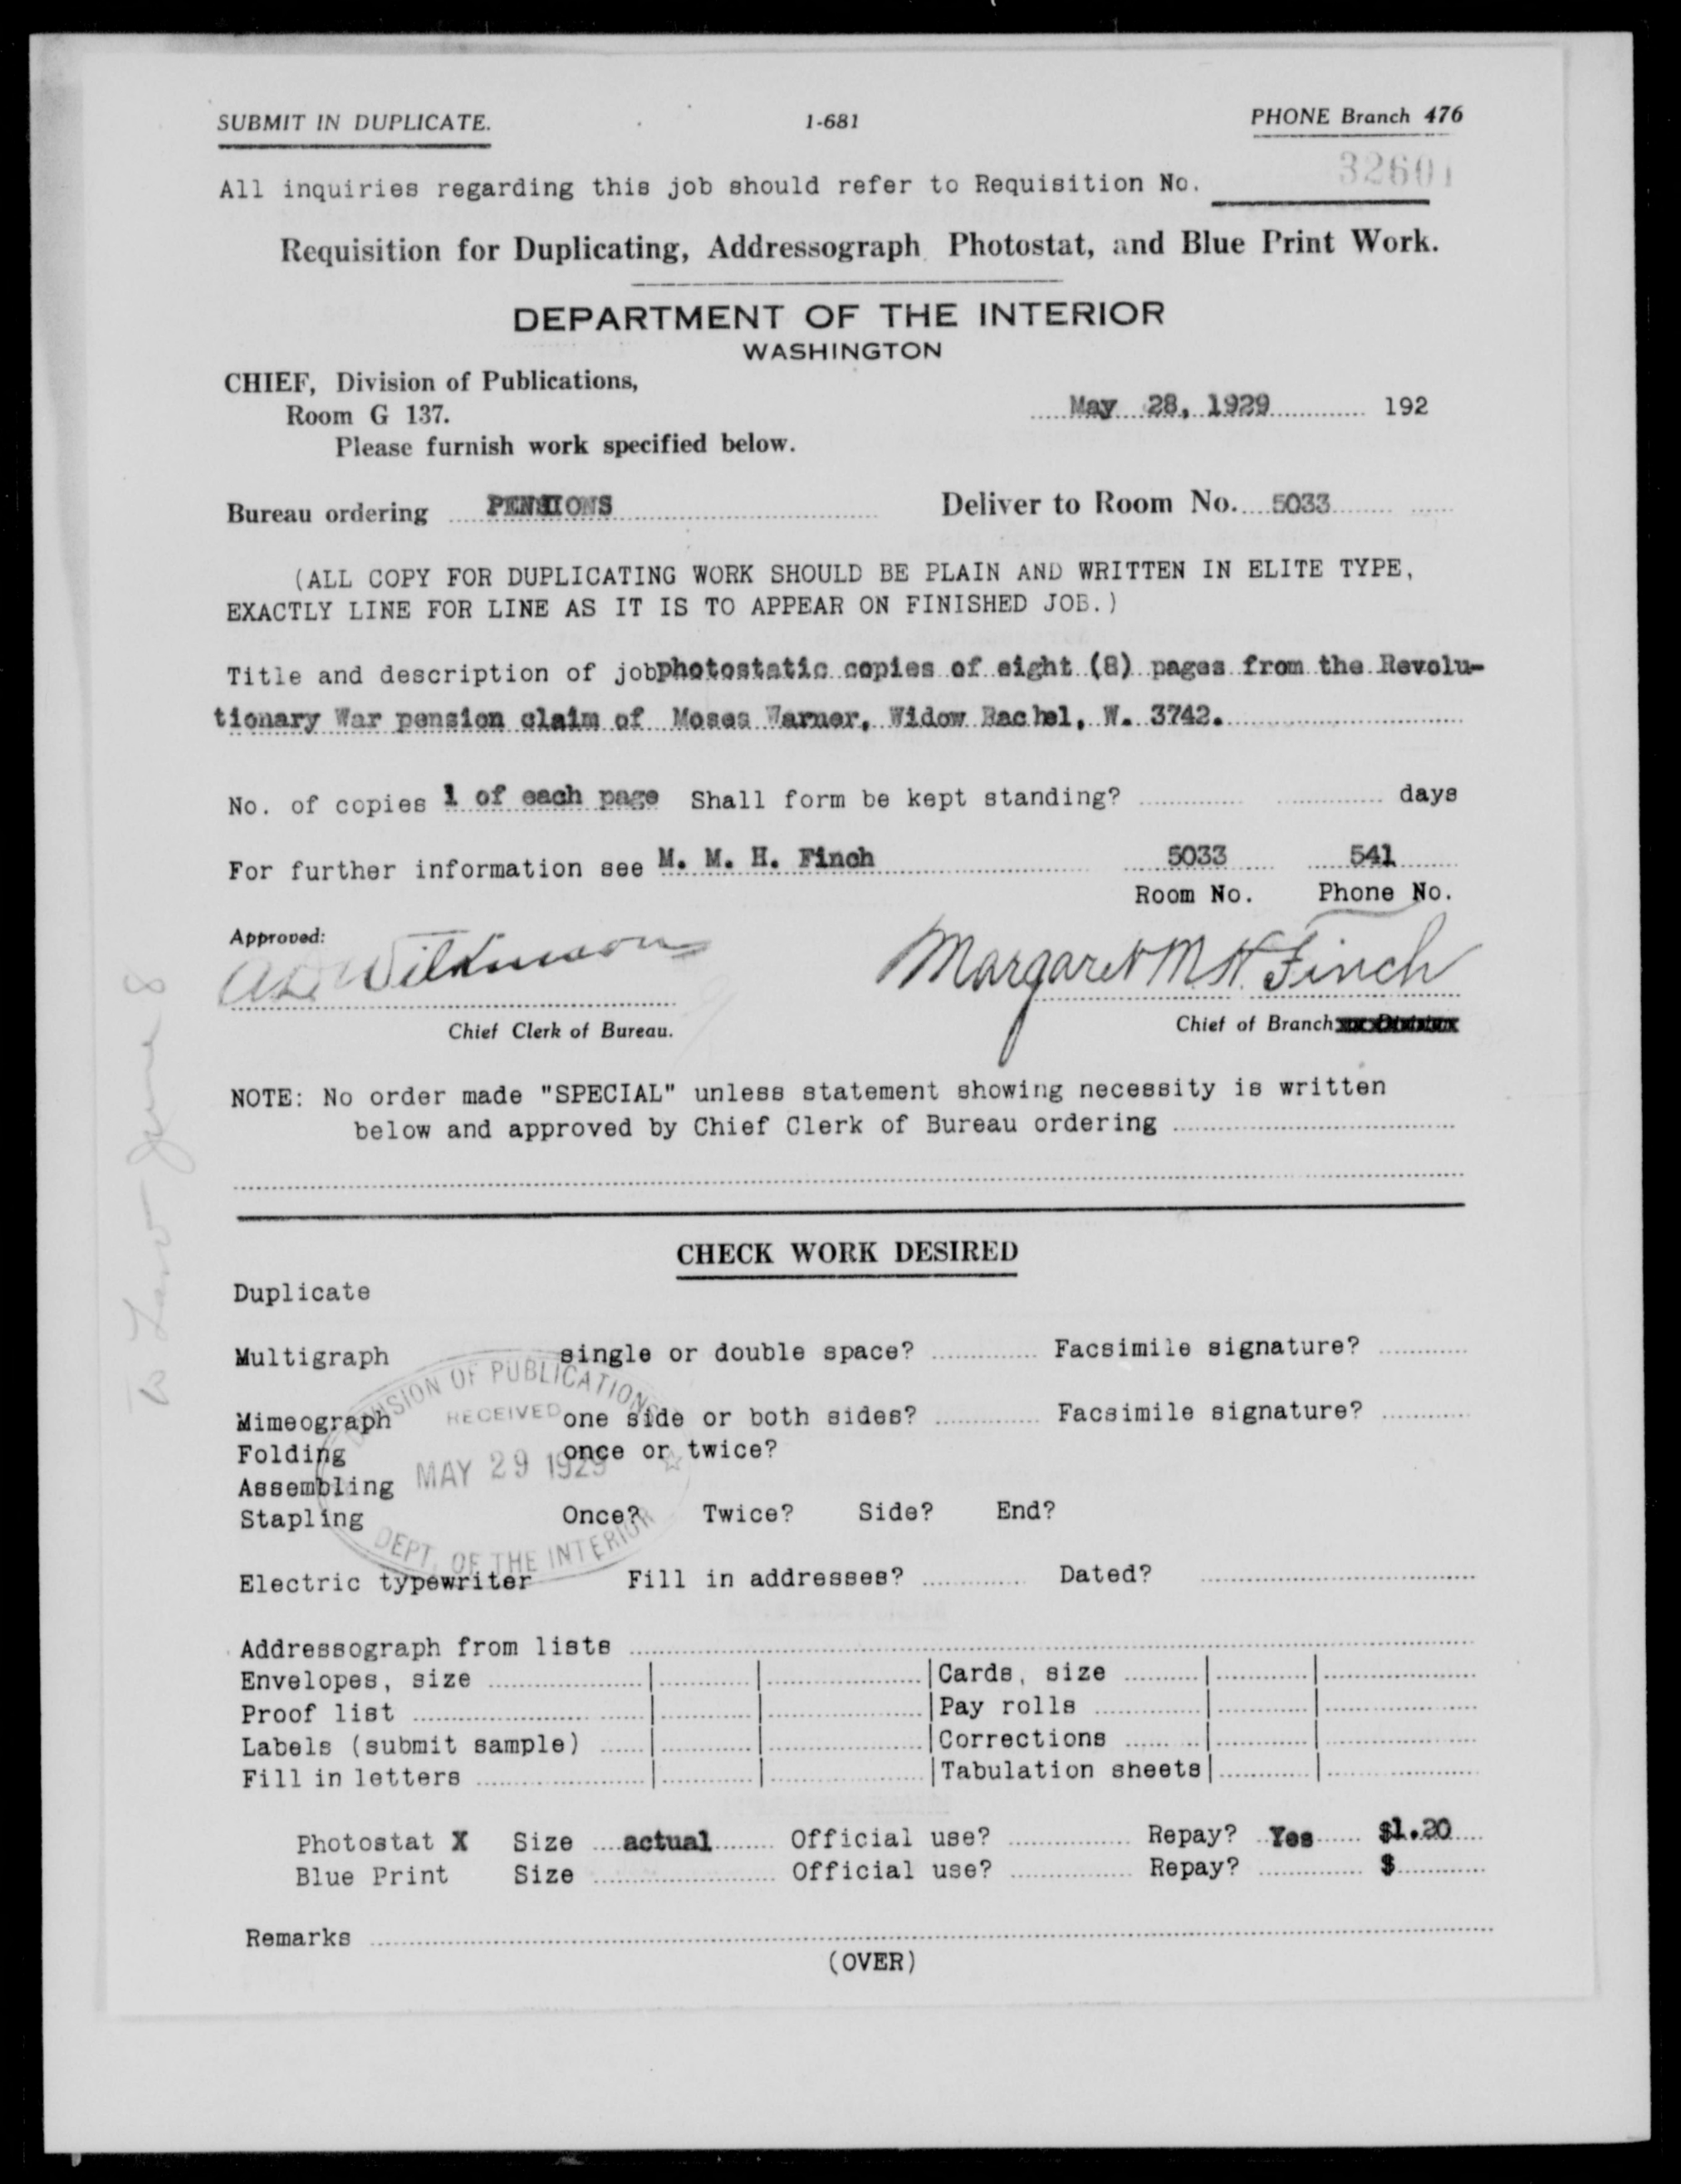SUBMIT IN DUPLICATE.      1-682    PHONE Branch  478
-------------------------
All inquiries regarding this job should refer to Requisition No.   32601

Requisition for Duplicating, Addressograph, Photostat, and Blue Print Work.
----------------------------
DEPARTMENT OF THE INTERIOR
WASHINGTON
CHIEF, Division of Publications,
Room G 137.         May 28, 1929
Please furnish work specified below.

Bureau ordering PENSIONS   Deliver to Room No.  5033

(ALL COPY FOR DUPLICATING WORK SHOULD BE PLAIN AND WRITTEN IN ELITE TYPE, EXACTLY LINE FOR LINE AS IT IS TO APPEAR ON FINISHED JOB.)

TiTle and description of Job  photostatic  copies of eight (8) pages from the Revolutionary War pension claim of Moses Warner, Widow Rachel,  W.  3742.

No. of copies 1 of each page   Shall form be kept standing __________    ___________ days

For further information see  M. M. H. Finch    Room No.  5033     Phone No.    541

Approved:  A D Wilkinson
Chief Clerk of Bureau.
Margaret M. H. Finch
Chief of Branch

NOTE:  No order made "SPECIAL" unless statement showing necessity is written below and approved by Chief Clerk of Bureau ordering ____________________
--------------------------------------------------
CHECK WORK DESIRED
-------------------------
Duplicate
Multigraph   single or double space? _________
Facsimile signature?  _________
Mimeograph   one side or both sides? _________ Facsimile signature?____________
Folding   once or twice?
Assembling
Stapling   Once?   Twice?     Side?    End?

Electric typewriter    Fill in addresses?   _________  Dated?  ____________

Addressograph from lists _________________
Envelopes,  size ________________
Proof List _______________________
Labels (submit sample) ___________________
Fill in letters __________________
Card, size _________________
Pay rolls ___________________
Corrections  ____________________
Tabulation sheets _____________________

Photostat  X   Size  actual  Office Use? ______  Repay?  Yes    $1.20
Blue Print   Size _________ Official use? _______ Repay? _______   $ __________

Remarks ______________________________________
(OVER)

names: M M H Finch, Rachel Warner, Margaret M H Finch, Moses Warner, A D Wilkinson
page: 38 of 40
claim: widow's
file: W. 3742, Moses Warner, Conn.